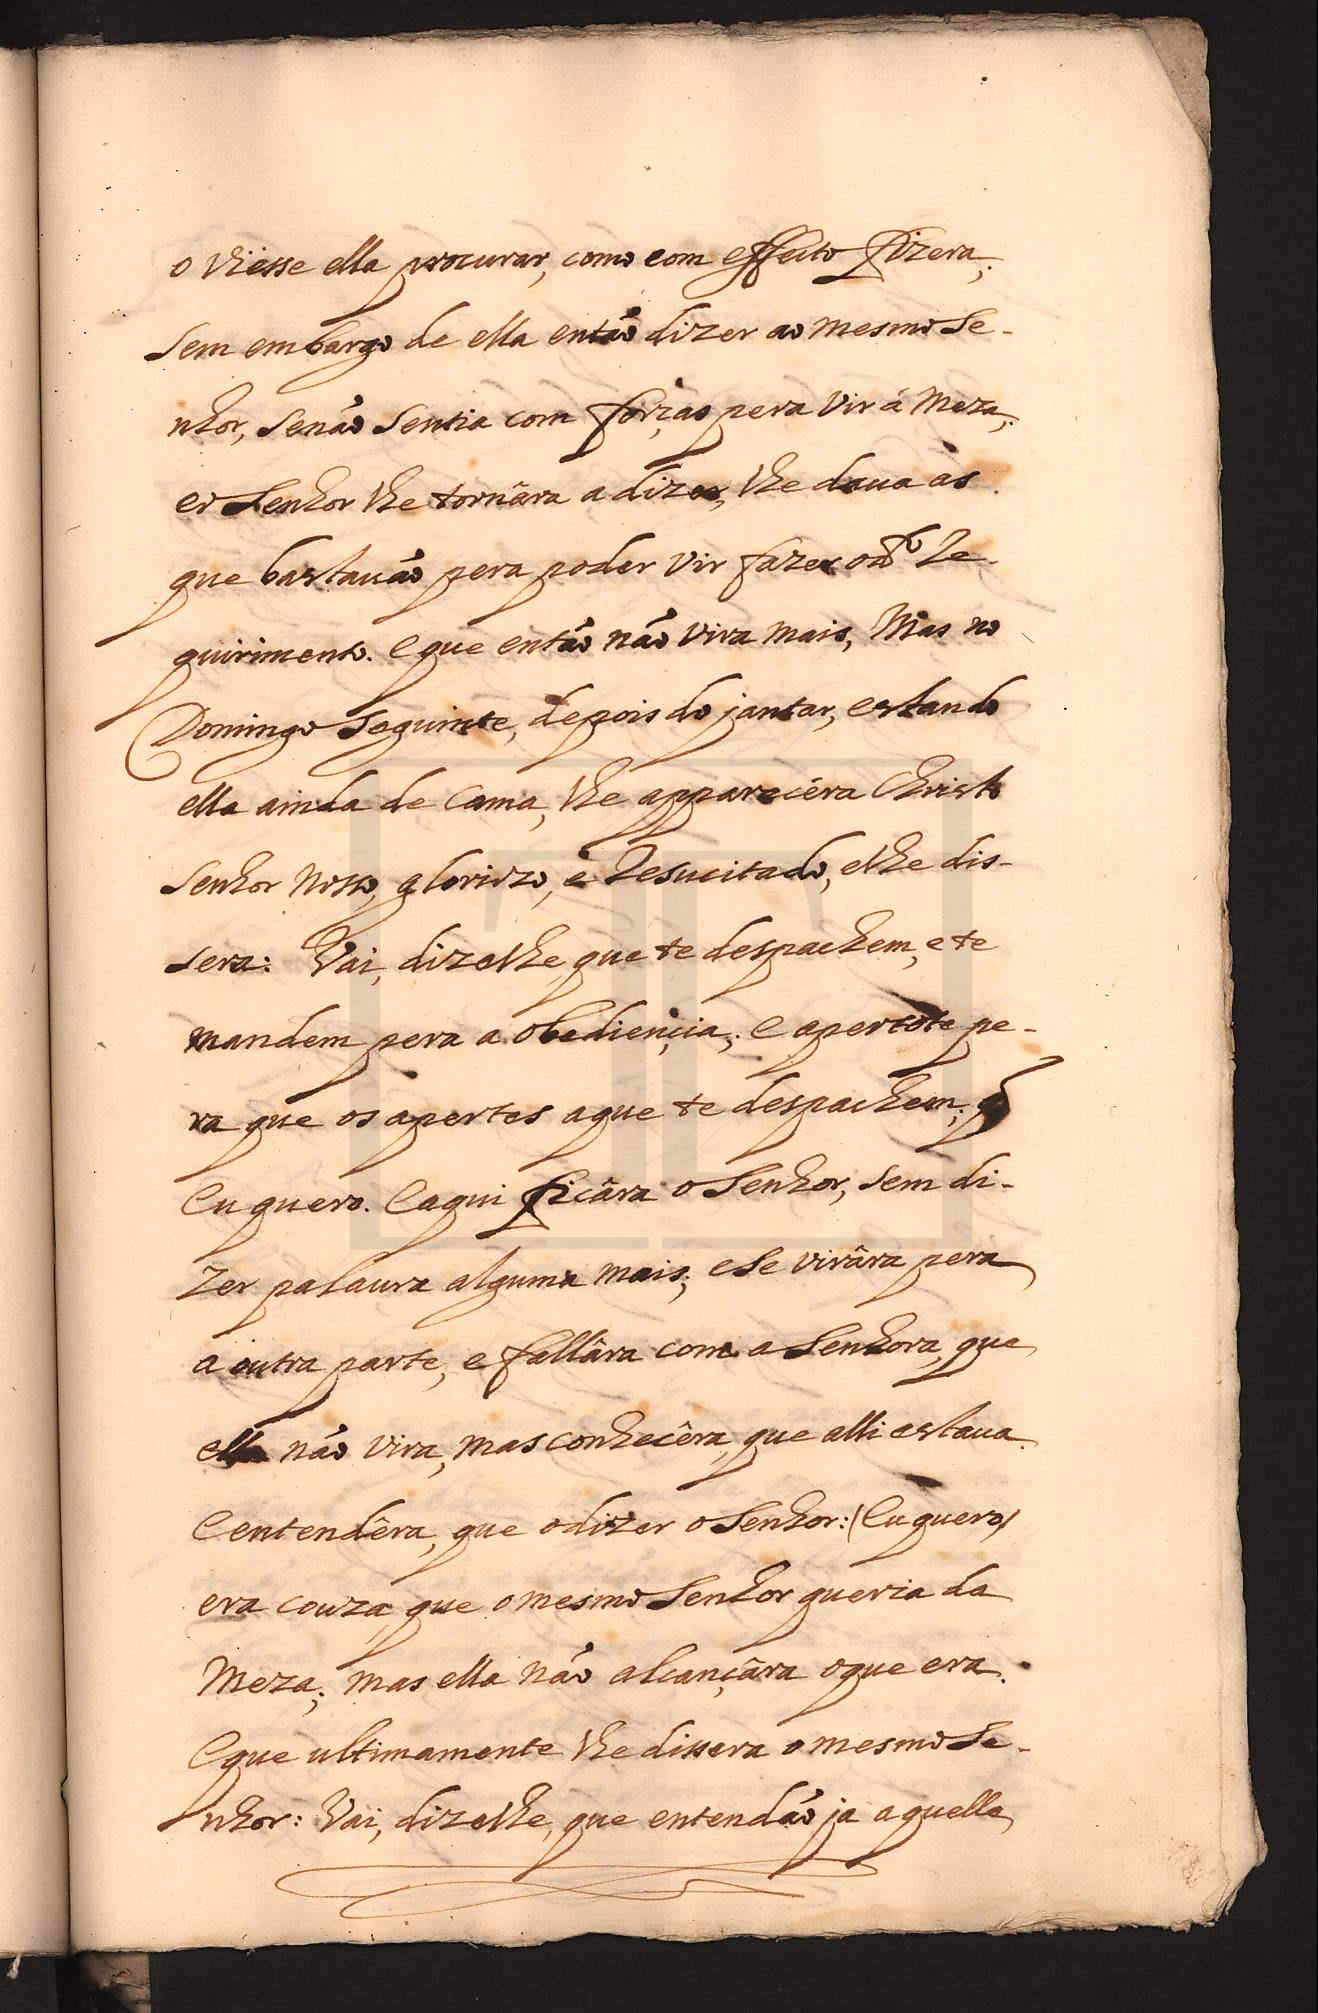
o viesse ella procurar, como com effeito fizera;
sem embargo de ella entaõ dizer ao mesmo se
nhor, se não sentia com forças para vir á Meza,
e o Senhor lhe tornâra a dizer, lhe daua as
que bastauaõ pera poder vir fazer o d̄o Re
quirimento. e que então não vira mais, mas no
Domingo seguinte, depois do jantar, estando
ella ainda de cama, lhe apparecera Christo
Senhor nosso, gloriozo, e Resucitado, e lhe dis
sera: Vai, dizelhe, que te despachem, e te
mandem pera a obediencia, e apertote pe
ra que os apertes a que te despachem, q̄
Eu quero. E aqui ficâra o Senhor, sem di
zer palaura alguma mais, e se virâra pera
a outra parte, e fallâra com a Senhora, que
ella não vira, mas conhecêra, que alli estaua
E entendêra, que o dizer o Senhor: (Eu quero)
era couza, que o mesmo Senhor queria da
Meza, mas ella não alcançâra o que era
E que ultimamente lhe dissera o mesmo Se
nhor: Vai, dizelhe, que entendaõ ja aquelle
